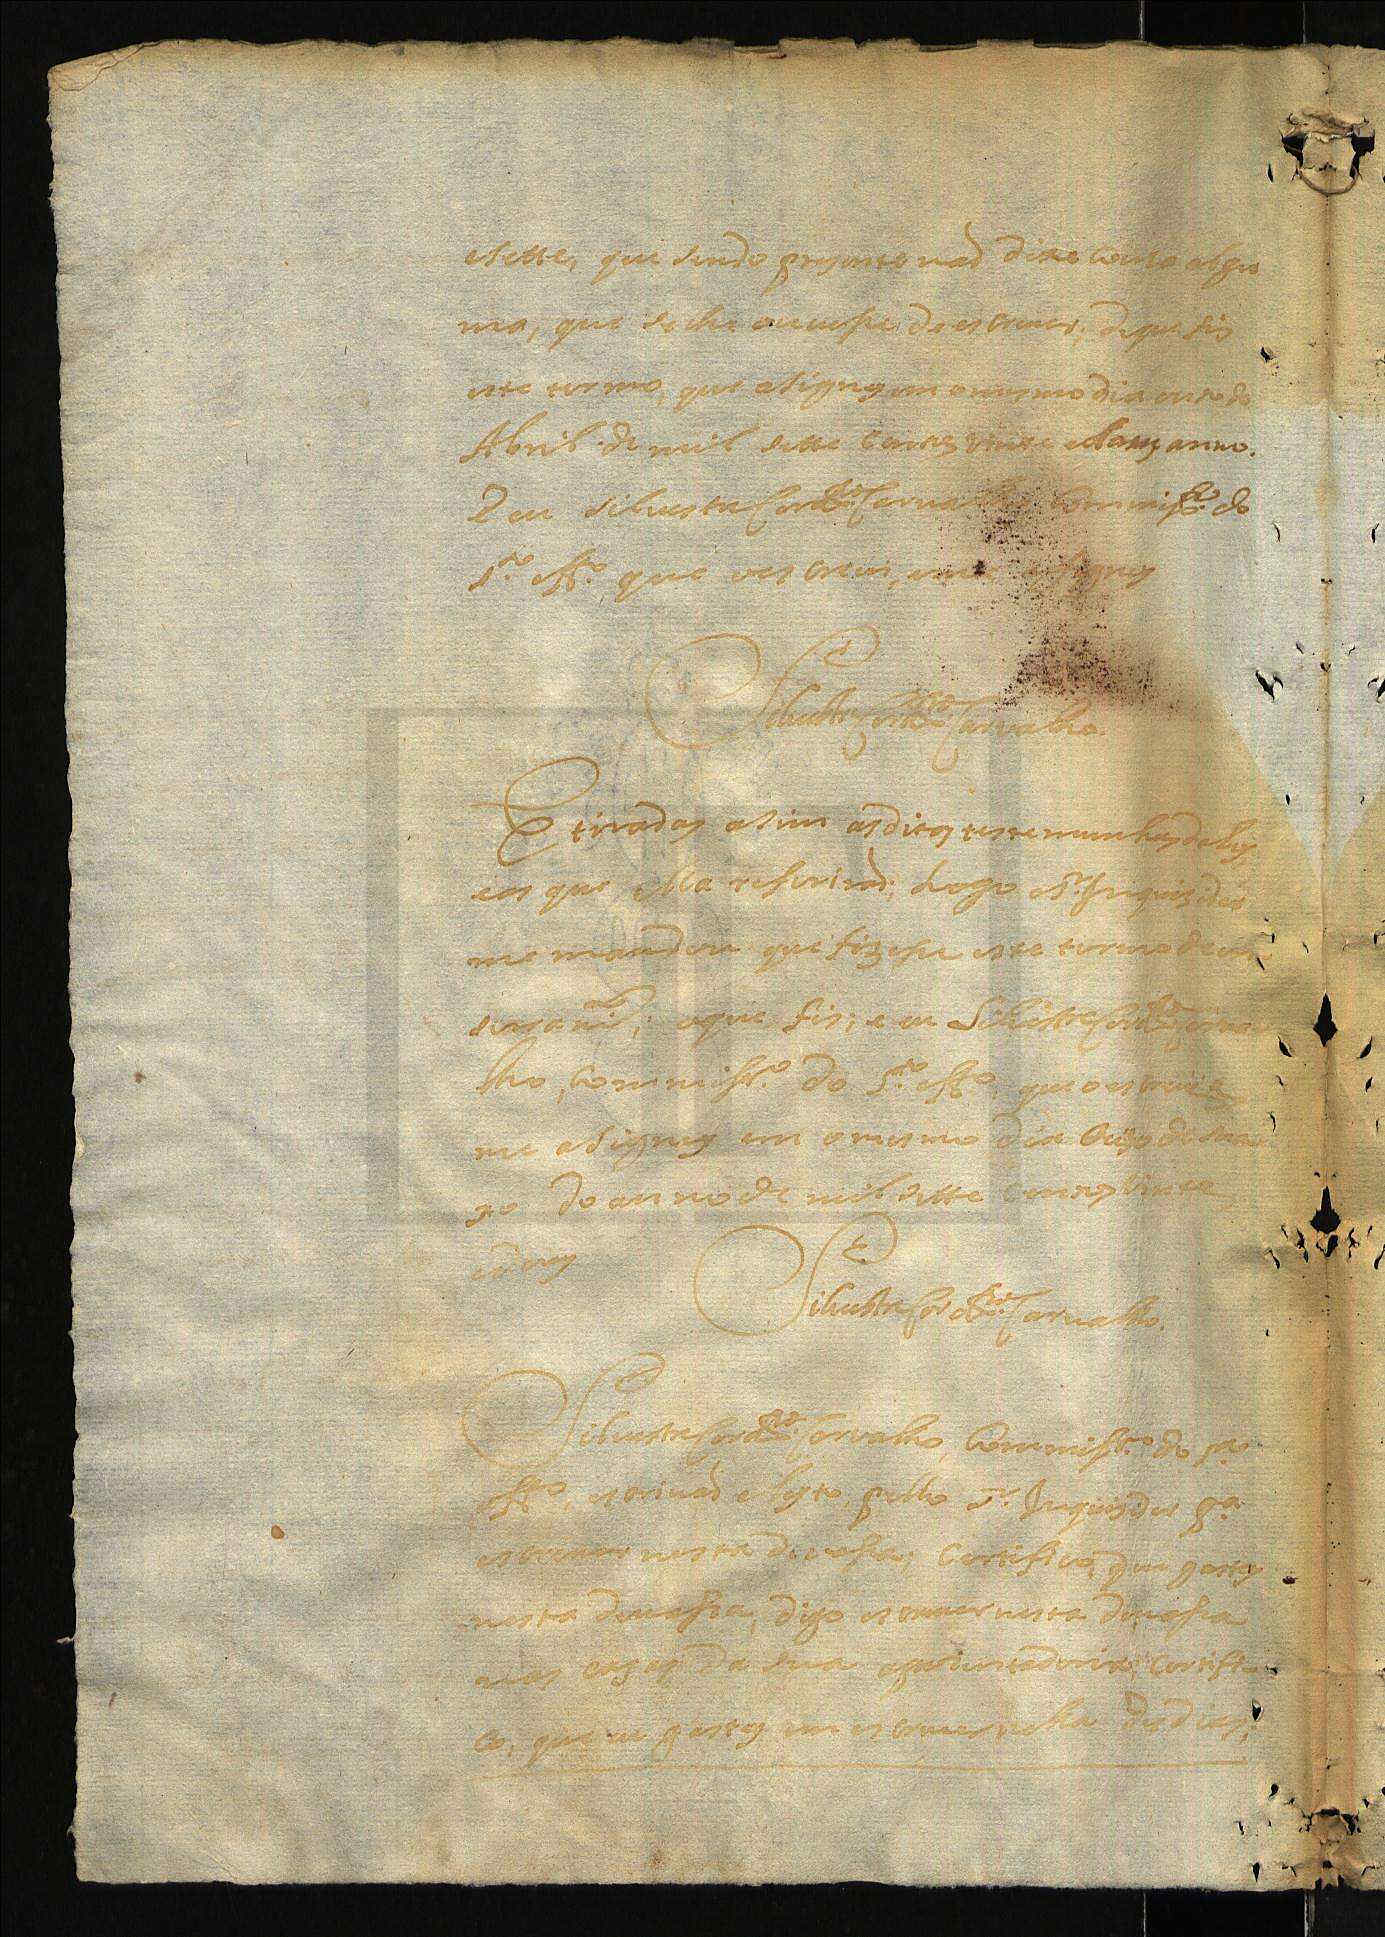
e sette, que sendo presente naõ disse cousa algu
ma, que se lhe ouuesse de escreuer, de que fis
este termo, que asignej em o mesmo dia outo de
Abril de mil settecentos vinte e dous anno.
& eu siluestre Cord̄.ro Carualho Commiss.ro do
s.to off.o, que o escreui, e me assignej
Siluestre Cord.ro Carualho
E tiradas asim as ditas testemunhas dahy
e os que ella referiraõ, Logo o s.r Jnquisidor
me mandou que fizesse este termo de en
seram.to; o que fis; e eu Siluestre Cord̄.ro Carua
lho, commissr.o do S.to off.o que o escreui
me asigney em o mesmo dia outo de Mar
so do anno de mil settecentos vinte
e dous
Siluestre Cord̄.ro de Carualho
Siluestre Cord.ro Carualho, Commissr.o do s.to
offo, escriuaõ eleyto pello s.r Inquisidor p.a
escreuer nesta deuassa; certifico, que gastey
nesta deuassa, digo escreuer nesta deuassa
nas casas da sua apozentadoria, certifi
co, que eu gastey em escreuer nella des dias,
